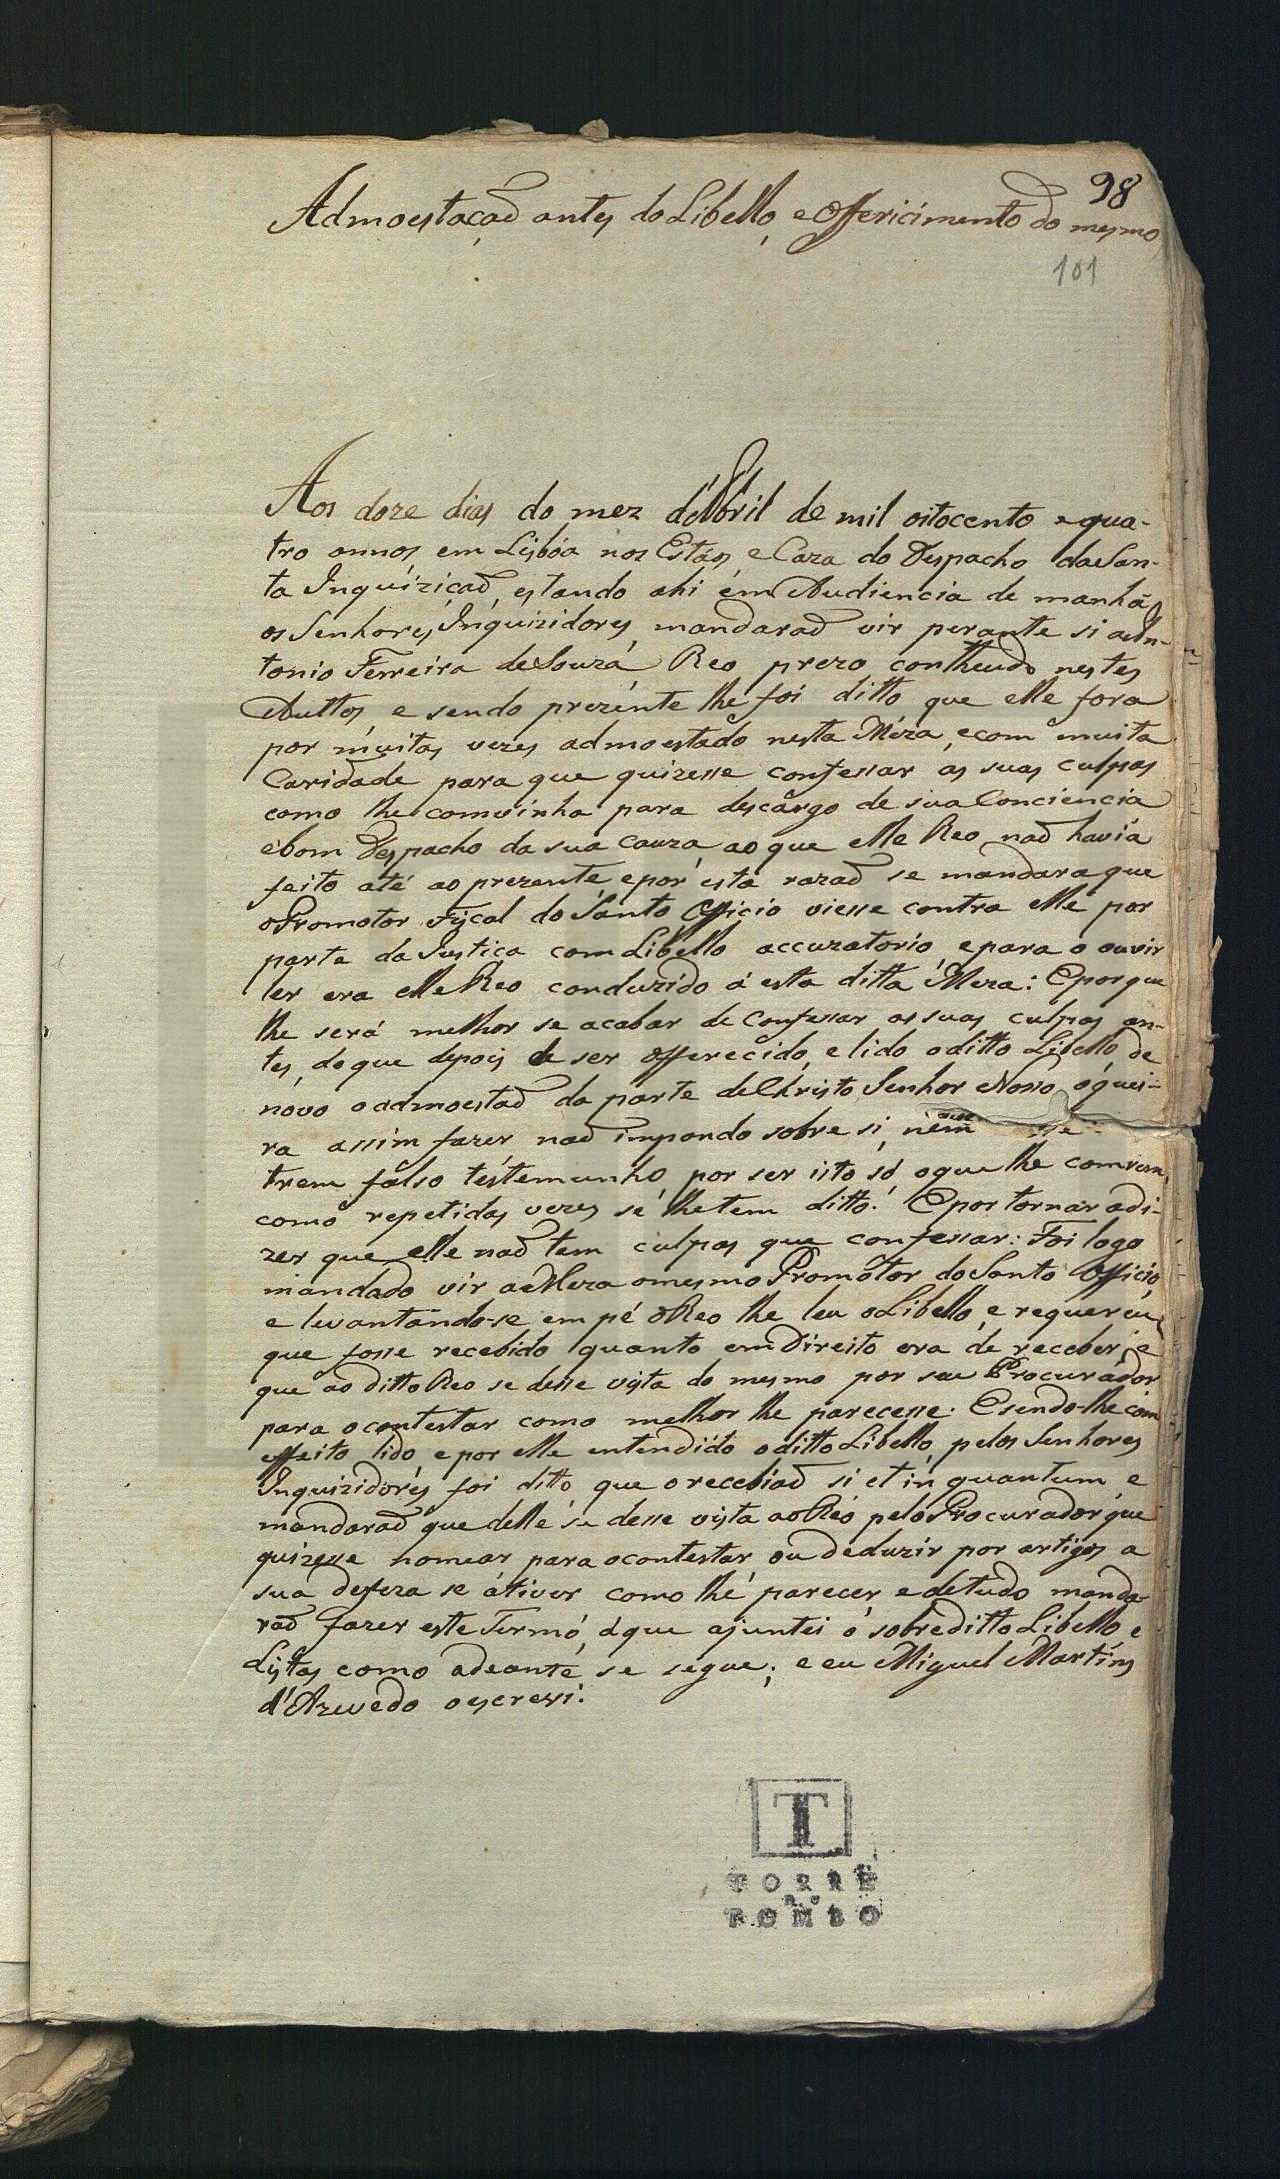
98
Admoestaçaõ antes do Libello, e offericimento do mesmo
Aos doze dias do mez d'Abril de mil oitocento e qua
tro annos, em Lisboa nos Estáos, e Caza do Despacho da San
ta Inquiziçaõ, estando ahi em Audiencia de manhã
os Senhores Inquizidores, mandaraõ vir perante si a An
tonio Ferreira de Souza, Reo prezo contheudo nestes
Auttos, e sendo prezente lhe foi ditto, que elle fora
por muitas vezes admoestado nesta Meza, e com muita
Caridade para que quizesse confessar as suas culpas
como lhe comvinha para descargo de sua conciencia,
e bom Despacho da sua cauza, ao que elle Reo naõ havia
feito até ao prezente, e por esta razaõ se mandara que
o Promotor Fiscal do Santo Officio viesse contra elle por
parte da Iustiça com Libello accuzatorio, e para o ouvir
ler era elle Reo conduzido á esta ditta Meza: E porque
lhe será melhor se acabar de confessar as suas culpas an
tes, do que depois de ser offerecido, e lido o ditto Libello, de
novo o admoestaõ da parte de Christo Senhor Nosso o quei
ra assim fazer, naõ impondo sobre si nem
trem falso testemunho, por ser isto só, o que lhe comvem
como repetidas vezes se lhe tem ditto. E por tornar a di
zer que elle naõ tem culpas que confessar: Foi logo
mandado vir a Meza o mesmo Promotor do Santo Officio,
e levantando-se em pé o Reo lhe leu o Libello, e requereu
que fosse recebido quanto em Direito era de receber, e
que ao ditto Reo se desse vista do mesmo por seu Procurador
para o contestar como melhor lhe parecesse. E sendo-lhe com
effeito lido, e por elle entendido o ditto Libello, pelos Senhores
Inquizidores foi ditto, que o recebiaõ si et in quantum, e
mandaraõ que delle se desse vista ao Réo pelo Procurador que
quizesse nomear, para o contestar, ou deduzir por artigos a
sua defeza se a tiver, como lhe parecer, e de tudo manda
raõ fazer este Termo, d que ajuntei o sobreditto Libello, e
Listas como adeante se segue; e eu Miguel Martins
d'Azevedo o escrevi.
